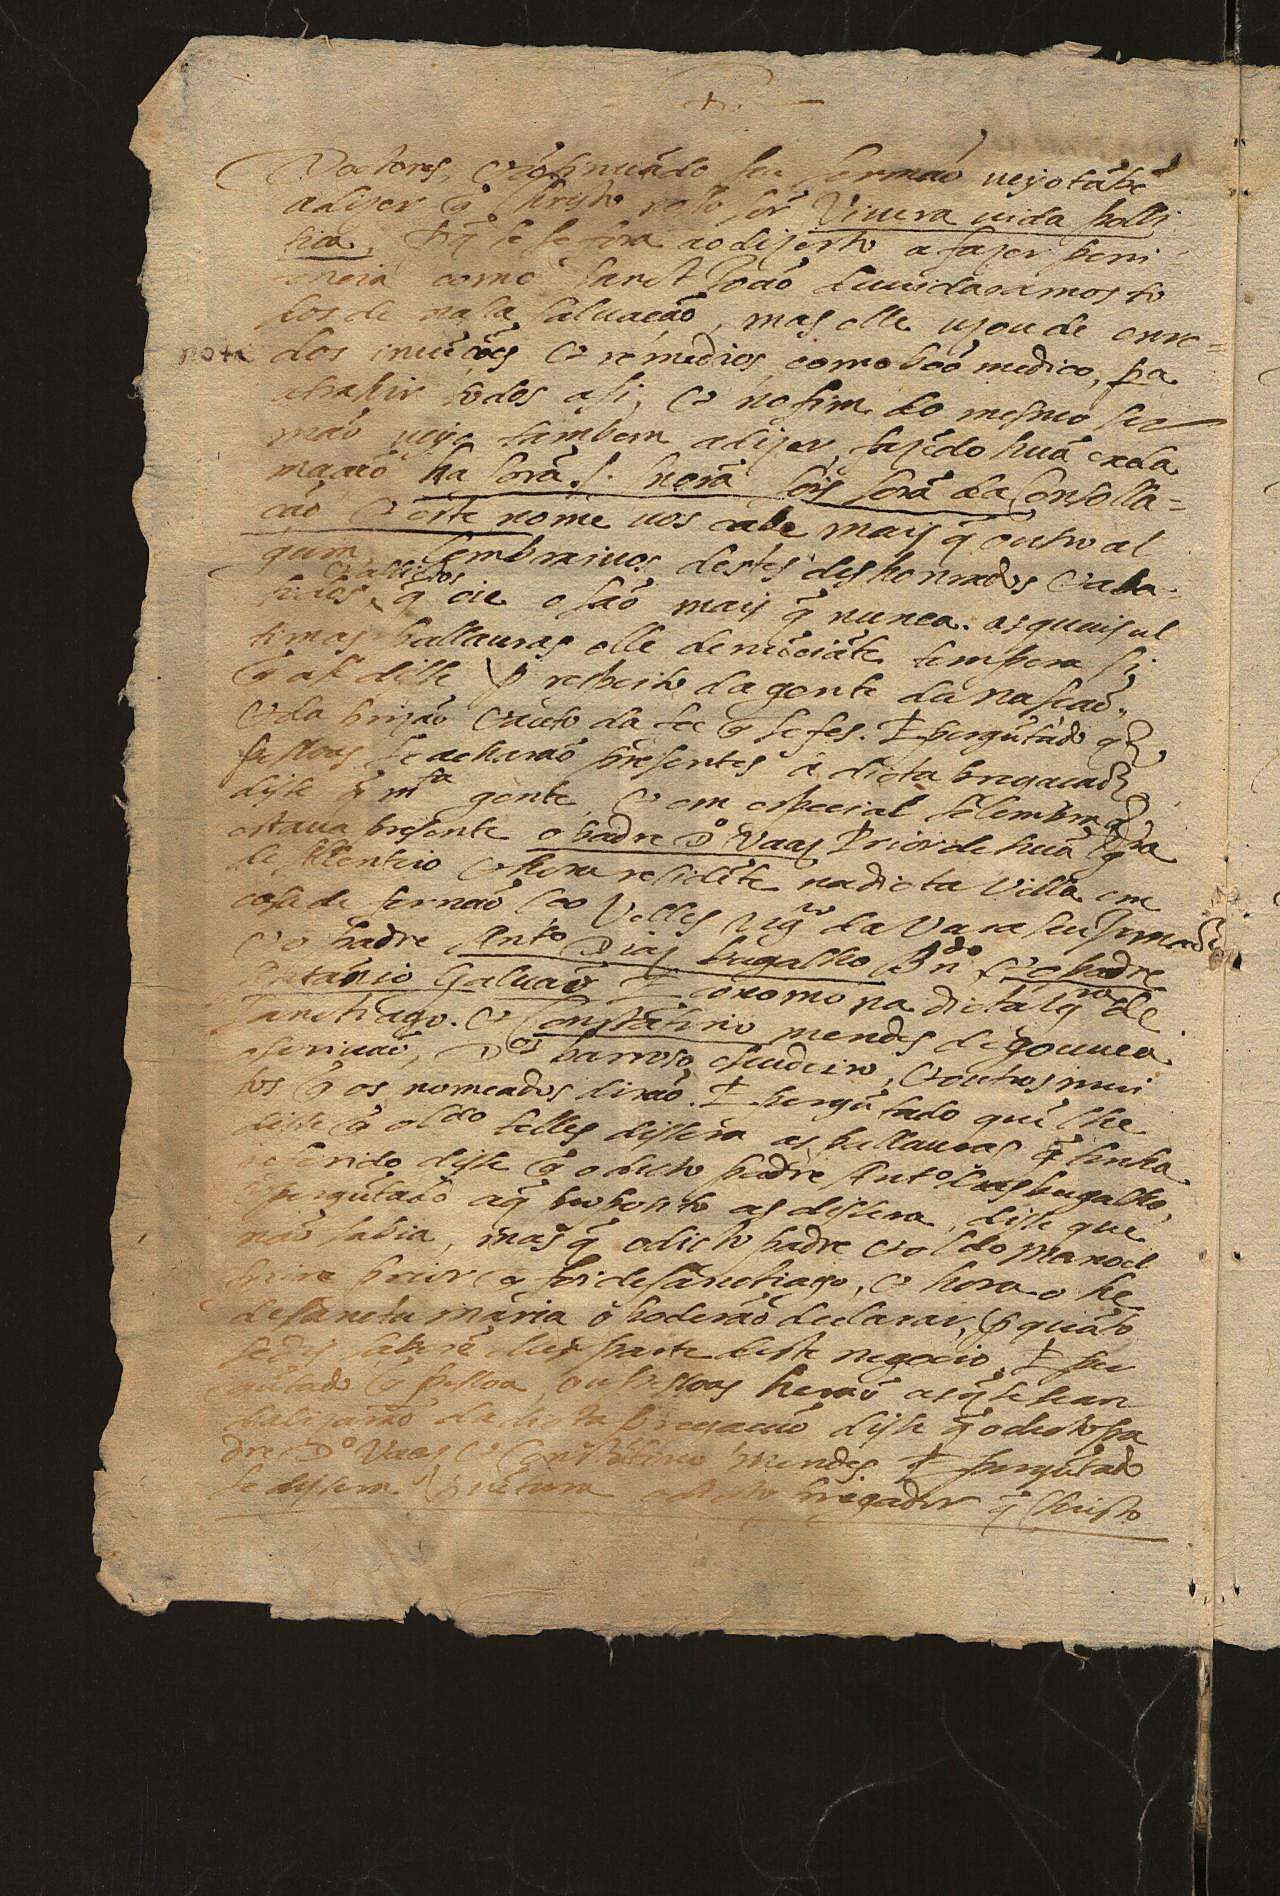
Doctores, & ēsinuādo seu sermaõ ueyo tābē
a dizer q̄ Christo nosso sor̄ Viuera uida polli
tica p̄q̄ se se fora ao dezerto a fazer peni
tencia como sanct Joaõ duvidaramos to
dos de nossa saluaçaõ, mas elle uzou de erra
nota
das inuēções & remedios como boō medico, ꝑa
atrahir todos a si, & no fim do mesmo ser
maõ ueyo tambem a dizer, fazēdo huā excla
maçaõ ha sorā ./. Snorā sois sorā da Consolla
çaõ & este nome uos cabe mais q̄ outro al
gum lembraiuos destes deshonrados & aba
& aflictos
tidos q̄ oie o saõ mais q̄ nunca as quais ul
timas pallauras elle denūciāte tem pera si
q̄ a si disse p̄ respeito da gente da nasçaõ,
& da prizaõ & auto da fee q̄ se fes. E pergūtado q̄
pessoas se acharaõ presentes a dicta pregaçaõ
disse q̄ mta gente, & em especial se lembra q̄
estaua presente o padre Do Vaaz Prior de huā Igra
de Alenteio & hora residēte na dicta villa em
casa de fernaõ lço Velles Vigro da Vara seu Jrmaõ
& o Padre Anto Diaz bugalho Bndo & o padre
Anton̄io Galuaõ Economo na dicta lgra de
Sanctiago & Constātino mendes de gouuea
escriuaõ, Dos barroso escudeiro, & outros mui
tos q̄ os nomeados diraõ. E pergūtado quē lhe
disse cō o ldo telles dissera as pallauras q̄ tinha
referido disse q̄ o dicto padre Anto dias bugalho,
& pergutado o q̄ proposito as dissera, disse que
naõ sabia, mas q̄ o dicto padre & o ldo manoel
freire prior q̄ foi de sanctiago, & hora o he
de sancta maria o poderaõ declarar, p̄ quāto
se dis saberē elles parte deste negocio. E per
gūtado q̄ pessoa, ou pessoas heraõ as q̄ se scan
dalizaraõ da dita pregaçaõ disse q̄ o dicto pa
dre Do Vaaz & Contātino mendes. E pergūtado
se dissera p̄uētura o dito pregador q̄ Christo
